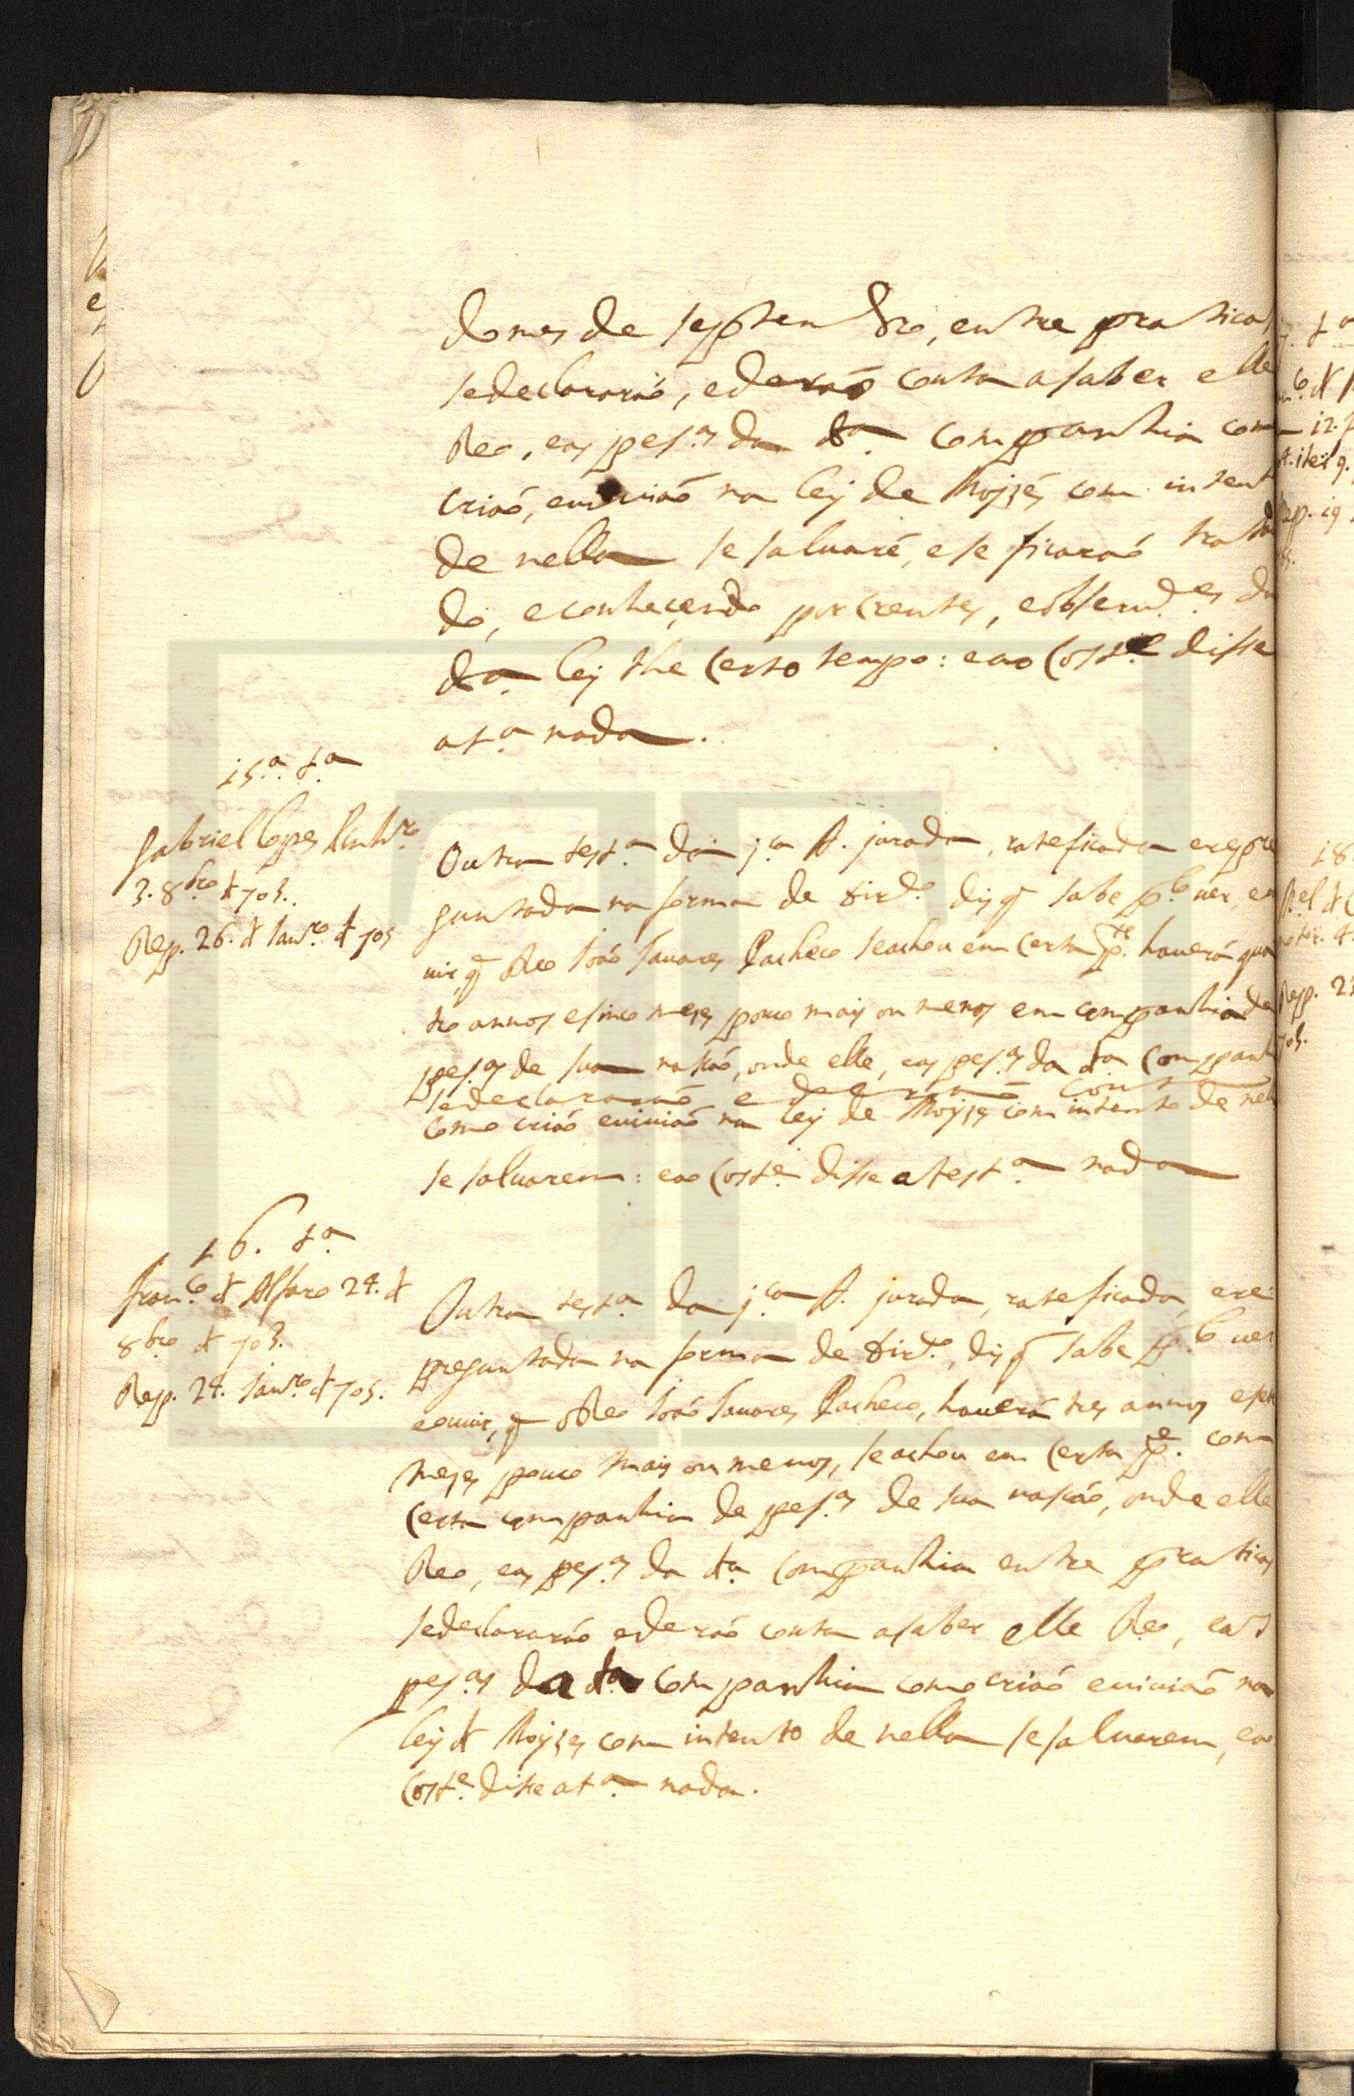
do mes de septenbro, entre praticas
se declararaõ, e deraõ conta a saber elle
Reo, e as pes.as da d̄a. companhia com
Criaõ, e uiuiaõ na ley de Mojzés com intent
de nella se saluarē, e se ficaraõ trata
do, e conhecendo por crentes, e obseru.tes da
da. lej the certo tempo: e ao Cost.e disse
a t.a nada.
i5.a t.a
gabriel lopes Pinh.ro
Outra test.a da j.ça A. jurada, rateficada e repre
3. 8.bro d̄ 703.
guntada na forma de dir.to dis q̄ sabe p.lo uer e
Rep. 26. d̄ Ian.ro d̄ 705
uir q̄ Reo Ioaõ Tauares Pacheco se achou em certa pte. hauera qua
tro annos e sinco meses pouco mais ou menos em companhia de
pes.as de sua nassaõ, onde elle, e as pes.as da d̄a Companh
se declararaõ, e deraõ conta
como criaõ e uiuiaõ na ley de Moyzes com intento de ne
se saluarem: e ao Cost.e disse a test.a nada
16. ta.
fran.co d̄ Alfaro 24. d̄
Outra test.a da j.ça A. jurada, rateficada, e re
preguntada na forma de dir.to, dis q̄ sabe p̄lo uer
8.bro d̄ 703.
Rep. 24. Ian.ro d̄ 705.
e ouuir, q̄ o Reo Ioaõ Tauares Pacheco, hauerá tres annos e se
mezes pouco mais ou menos, se achou em Certa pe. com
Certa companhia de pes.as de sua nasçaõ, onde elle
Reo, e as pes.as da d̄.a Companhia entre praticas
se declararaõ e deraõ conta a saber elle Reo, e as
pes.as da d̄.a companhia como criaõ e uiuiaõ na
ley d̄ Moyses com intento de nella se saluarem, e a
Cost.e disse a t.a nada.
